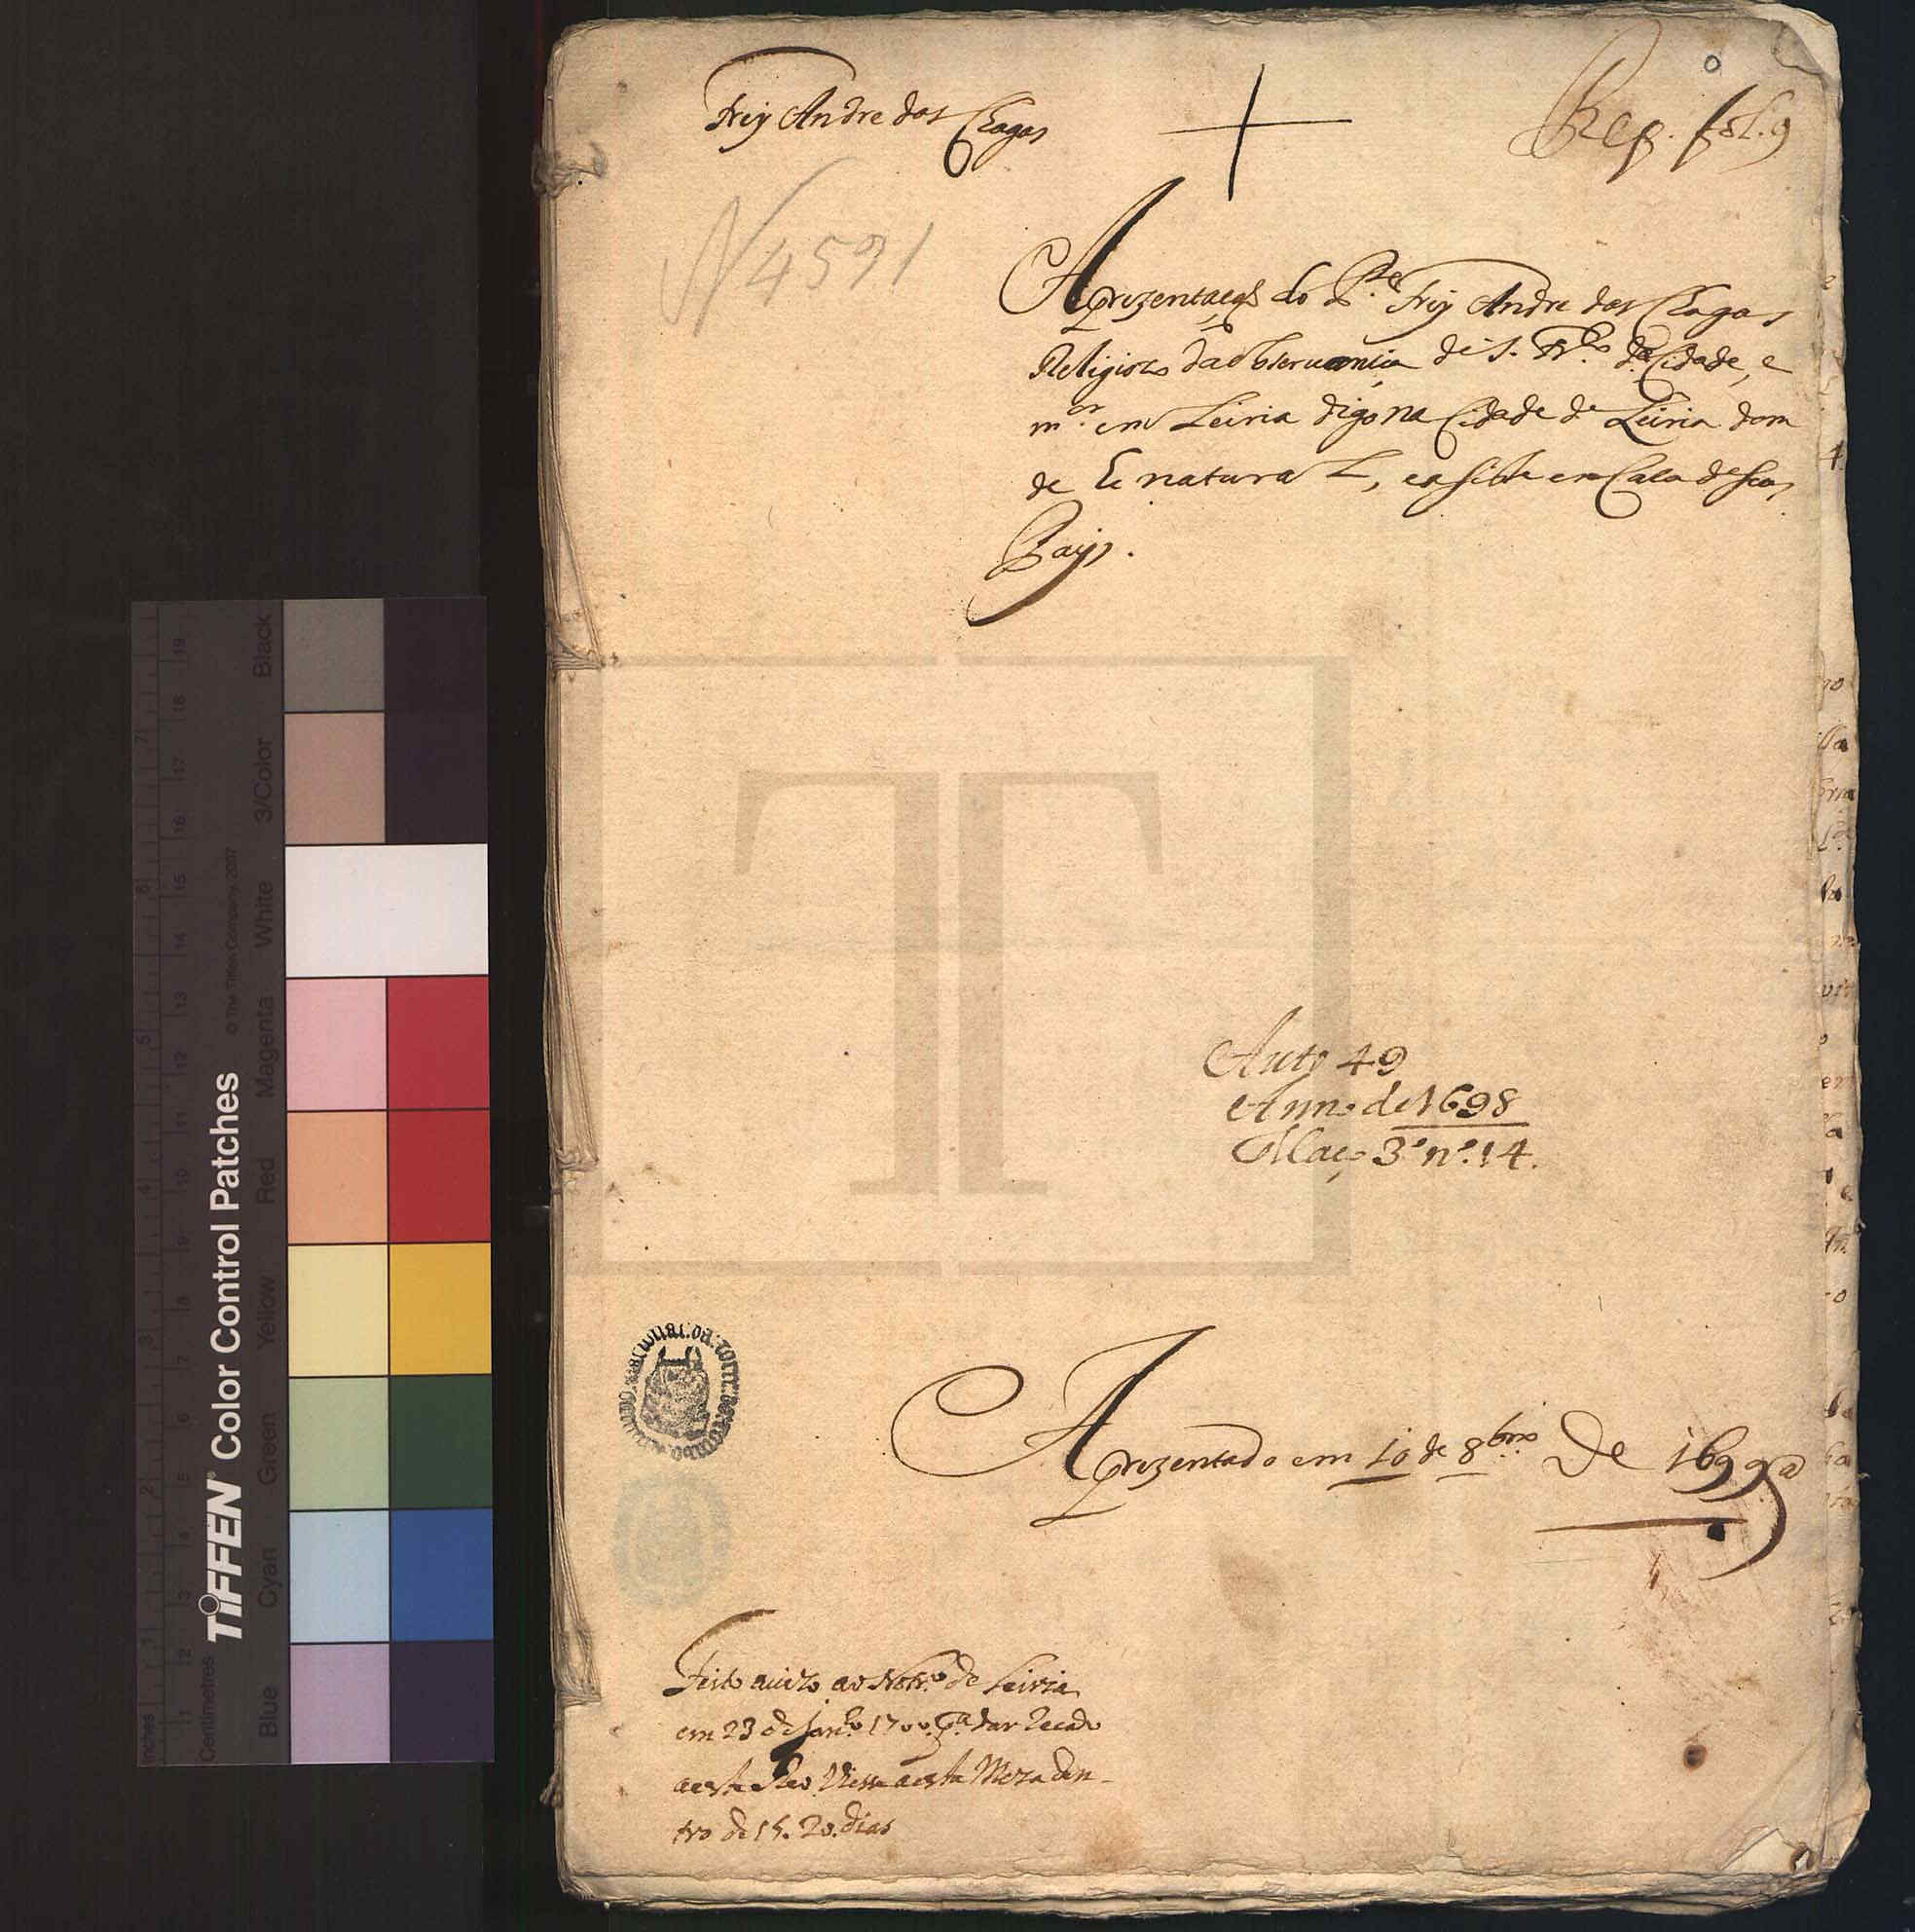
Frey Andre das Chagas
Rep. fol. 9
Aprezentaçaõ do P.e Frey Andre das Chagas
Religiozo da obseruancia de S. Fr.co da Cidade, e
m.or em Leiria digo na Cidade de Leiria dom
de he naturaL, e asiste em Caza de seos
Pays.
Auto 49
Anno de 1698
Maço 3o n.o 14.
Aprezentado em i0 de 8.bro de i699 ā
Feito auizo ao Notr.o de leiria
em 23 de Jan.ro 1700 p.a dar Recado
a este Reo Viesse a esta Meza den
tro de 15. 20. dias
